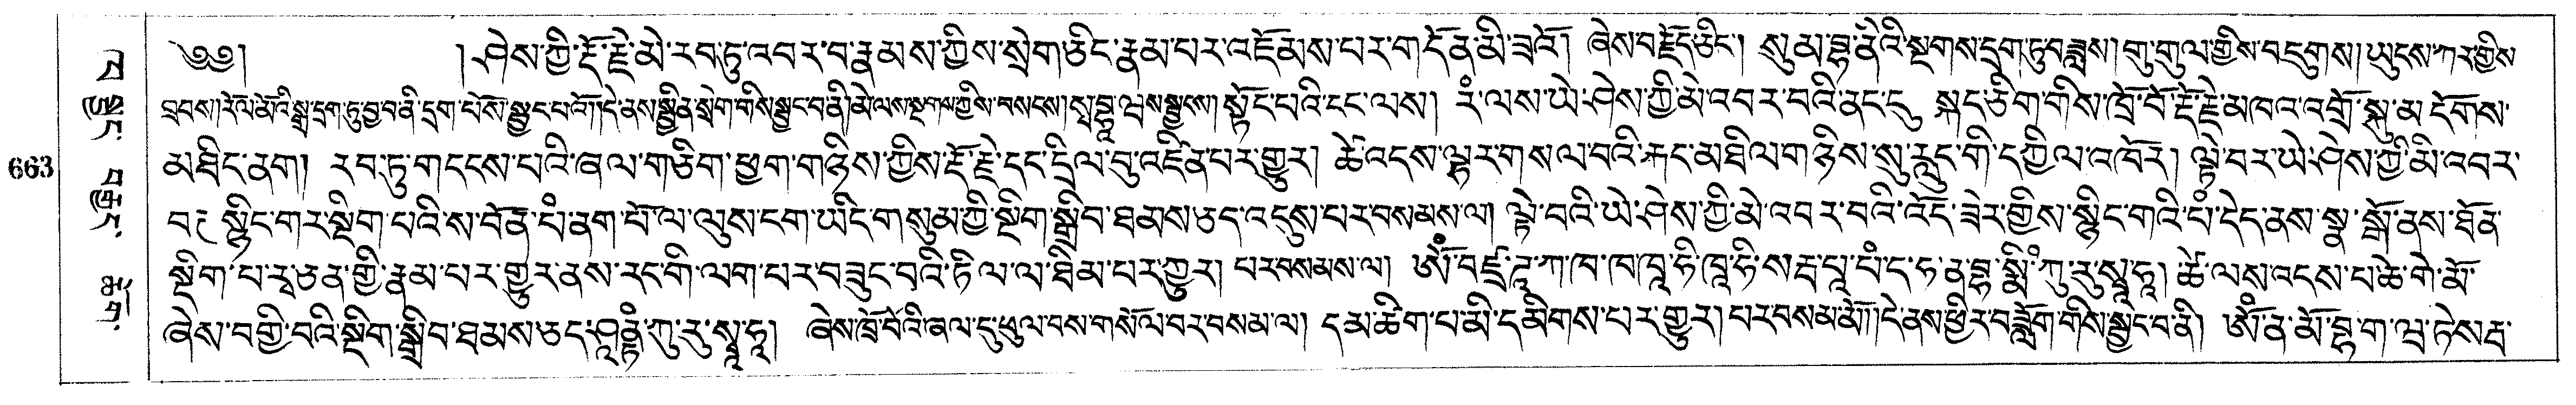༄༅། །ཤེས་ཀྱི་རྡོ་རྗེ་མེ་རབ་ཏུ་འབར་བ་རྣམས་ཀྱིས་སྲེག་ཅིང་རྣམ་པར་འཇོམས་པར་གདོན་མི་ཟའོ། ཞེས་བརྗོད་ཅིང་། སུམ་བྷ་ནིའི་སྔགས་དྲག་ཏུ་བཟླས། གུ་གུལ་གྱིས་བདུགས། ཡུངས་ཀར་གྱིས་
བྲབས། རོལ་མོའི་སྒྲ་དྲག་ཏུ་བྱ་བ་ནི་དྲག་པོས་སྦྱང་པའོ། །དེ་ནས་སྦྱིན་སྲེག་གིས་སྦྱང་བ་ནི། མེ་ལས་སྔགས་ཀྱིས་བསངས། སྭ་བྷཱ་ཝས་སྦྱངས། སྟོང་པའི་ངང་ལས། རཾ་ལས་ཡེ་ཤེས་ཀྱི་མེ་འབར་བའི་ནང་དུ་སྐད་ཅིག་གིས་ཁྲོ་བོ་རྡོ་རྗེ་མཁའ་འགྲོ་སྐུ་མ་དོགས་
མཐིང་ནག། རབ་ཏུ་གདངས་པའི་ཞལ་གཅིག་ཕྱག་གཉིས་ཀྱིས་རྡོ་རྗེ་དང་དྲིལ་བུ་འཛིན་པར་གྱུར། ཚེ་འདས་ལྟར་གསལ་བའི་རྐང་མཐིལ་གཉིས་སུ་རླུང་གི་དཀྱིལ་འཁོར། ལྟེ་བར་ཡེ་ཤེས་ཀྱི་མི་འབར་
བ༑ སྙིང་གར་སྡིག་པའི་ས་བོན་པཾ་ནག་པོ་ལ་ལུས་ངག་ཡིད་གསུམ་གྱི་སྡིག་སྒྲིབ་ཐམས་ཅད་འདུས་པར་བསམས་ལ། ལྟེ་བའི་ཡེ་ཤེས་ཀྱི་མེ་འབར་བའི་འོད་ཟེར་གྱིས་སྙིང་གའི་པཾ་དེད་ནས་སྣ་སྒོ་ནས་ཐོན་
སྡིག་པ་རྭ་ཅན་གྱི་རྣམ་པར་གྱུར་ནས་རང་གི་ལག་པར་བཟུང་བའི་ཏིལ་ལ་ཐིམ་པར་གྱུར། པར་བསམས་ལ། ཨོཾ་བྫྲ་ཌཱ་ཀ་ཁ་ཁ་ཁཱ་ཧི་ཁཱ་ཧི་སརྦ་པཱ་པཾ་ད་ཧ་ན་བྷ་སྨིཾ་ཀུ་རུ་སྭཱ་ཧཱ། ཚེ་ལས་འདས་པ་ཆེ་གེ་མོ་
ཞེས་བགྱི་བའི་སྡིག་སྒྲིབ་ཐམས་ཅད་ཤཱནྟཾ་ཀུ་རུ་སྭཱ་ཧཱ། ཞེས་ཁྲོ་བོའི་ཞལ་དུ་ཕུལ་བས་གསོལ་བར་བསམ་ལ། དམ་ཚིག་པ་མི་དམིགས་པར་གྱུར། བར་བསམ་མོ། དེ་ནས་ཕྱིར་བཟློག་གིས་སྦྱང་བ་ནི། ཨོཾ་ན་མོ་བྷ་ག་ཝ་ཏེ་སརྦ་